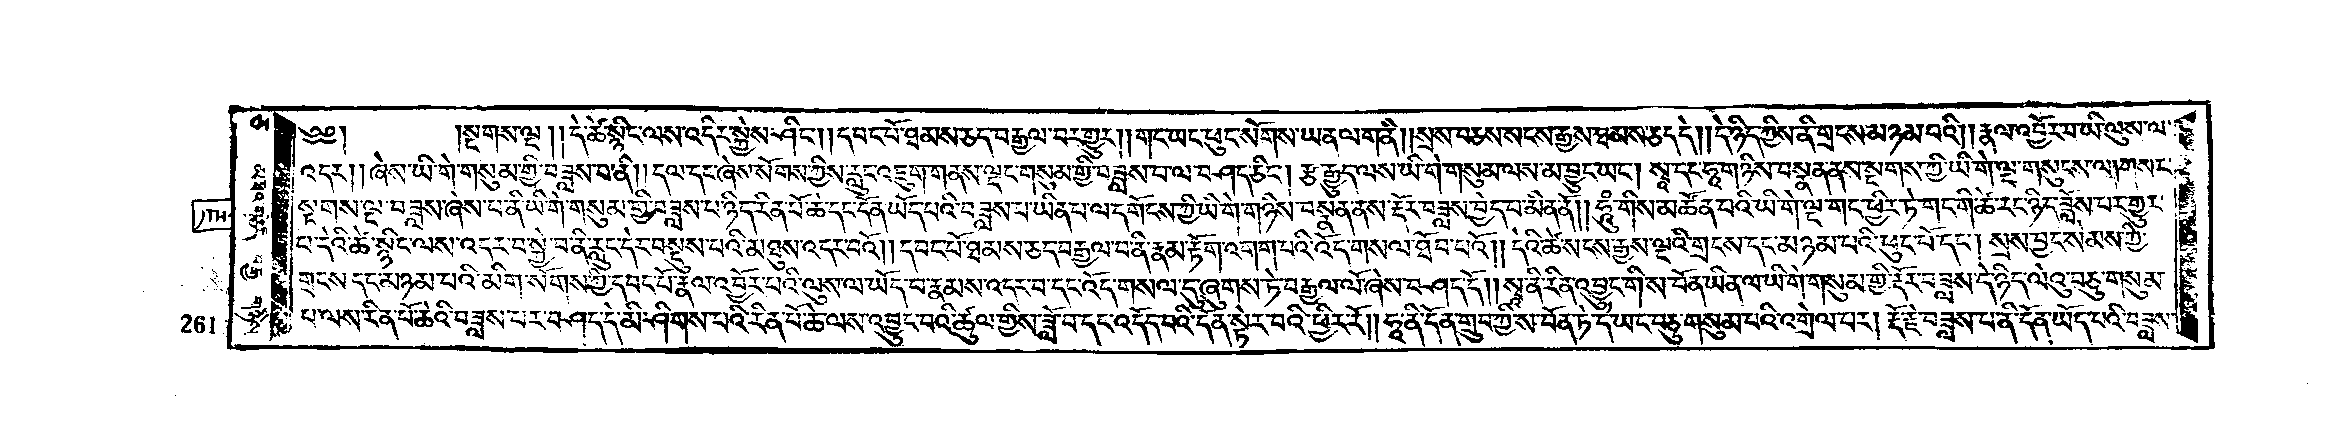༄༅། །སྔགས་ལྔ། །དེ་ཚེ་སྙིང་ལས་འདིར་སྐྱེས་ཤིང་། །དབང་པོ་ཐམས་ཅད་བརྒྱལ་བར་གྱུར། །གང་ཡང་ཕུང་སོགས་ཡན་ལག་ནི། །སྲས་བཅས་སངས་རྒྱས་ཐམས་ཅད་དེ། །དེ་ཉིད་ཀྱིས་ནི་གྲངས་མཉམ་པའི། །རྣལ་འབྱོར་པ་ཡི་ལུས་ལ་
འདར། །ཞེས་ཡི་གེ་གསུམ་གྱི་བཟླས་པ་ནི། །དལ་དང་ཞེས་སོགས་ཀྱིས་རླུང་འཇུག་གནས་ལྡང་གསུམ་གྱི་བཟླས་པ་ལ་བཤད་ཅིང་། རྩ་རྒྱུད་ལས་ཡི་གེ་གསུམ་ལས་མ་བྱུང་ཡང་། སྭཱ་དང་ཧཱ་གཉིས་བསྣན་ནས་སྔགས་ཀྱི་ཡི་གེ་ལྔ་གསུངས་ལ། གསང་
སྔགས་ལྔ་བཟླས་ཞེས་པ་ནི་ཡི་གེ་གསུམ་གྱི་བཟླས་པ་ཉིད་རིན་པོ་ཆེ་དང་དོན་ཡོད་པའི་བཟླས་པ་ཡིན་པ་ལ་དགོངས་ཀྱི་ཡི་གེ་གཉིས་བསྣན་ནས་རྡོར་བཟླས་བྱེད་པ་མིན་ནོ། །ཧཱུཾ་གིས་མཚོན་པའི་ཡི་གེ་ལྔ་གང་ཕྱིར་ཏེ་གང་གི་ཚེ་རང་ཉིད་ཟློས་པར་གྱུར་
པ་དེའི་ཚེ་སྙིང་ལས་འདར་བ་སྐྱེ་བ་ནི་རླུང་དེར་བསྡུས་པའི་མཐུས་འདར་བའོ། །དབང་པོ་ཐམས་ཅད་བརྒྱལ་བ་ནི་རྣམ་རྟོག་འགག་པའི་འོད་གསལ་ཐོབ་པའོ། །དེའི་ཚེ་སངས་རྒྱས་ལྔའི་གྲངས་དང་མཉམ་པའི་ཕུང་པོ་དང་། སྲས་བྱང་སེམས་ཀྱི་
གྲངས་དང་མཉམ་པའི་མིག་སོགས་ཀྱི་དབང་པོ་རྣལ་འབྱོར་པའི་ལུས་ལ་ཡོད་པ་རྣམས་འདར་བ་དང་འོད་གསལ་དུ་ཞུགས་ཏེ་བརྒྱལ་ལོ་ཞེས་བཤད་དོ། །སྭཱ་ནི་རིན་འབྱུང་གི་ས་བོན་ཡིན་ལ་ཡི་གེ་གསུམ་གྱི་རྡོར་བཟླས་དེ་ཉིད་ལེའུ་བཅུ་གསུམ་
པ་ལས་རིན་པོ་ཆེའི་བཟླས་པར་བཤད་དེ་མི་ཤིགས་པའི་རིན་པོ་ཆེ་ལས་འབྱུང་བའི་ཚུལ་གྱིས་ཟློ་བ་དང་འདོད་པའི་དོན་སྟེར་བའི་ཕྱིར་རོ། །ཧཱ་ནི་དོན་གྲུབ་ཀྱི་ས་བོན་ཏེ་དེ་ཡང་བཅུ་གསུམ་པའི་འགྲེལ་པར། རྡོ་རྗེ་བཟླས་པ་ནི་དོན་ཡོད་པའི་བཟླས་